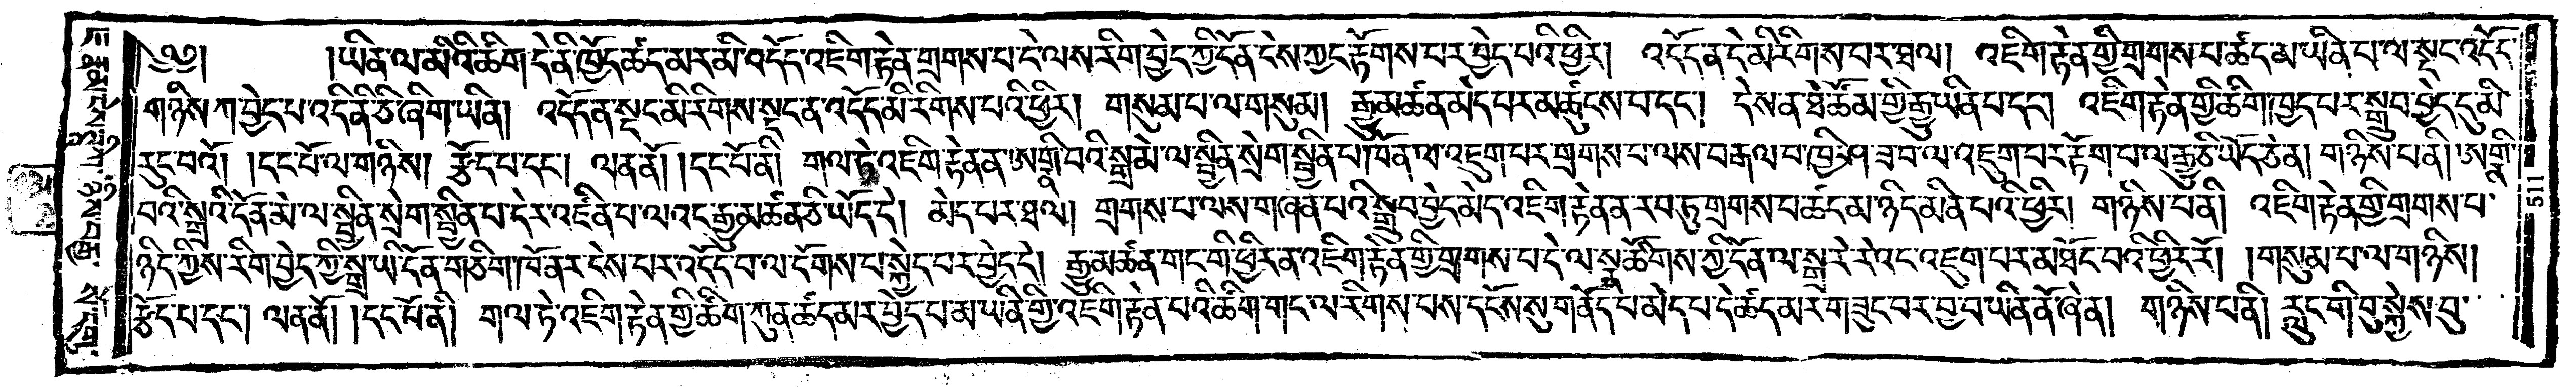༄༅། །ཡིན་ལ་མིའི་ཚིག་དེ་ནི་ཁྱོད་ཚད་མར་མི་འདོད་འཇིག་རྟེན་གྲགས་པ་དེ་ལས་རིག་བྱེད་ཀྱི་དོན་ངེས་ཀྱང་རྟོགས་པར་བྱེད་པའི་ཕྱིར། འདོད་ན་དེ་མི་རིགས་པར་ཐལ། འཇིག་རྟེན་གྱི་གྲགས་པ་ཚད་མ་ཡིན་པ་ལ་སྡང་འདོད་
གཉིས་ཀ་བྱེད་པ་འདི་ནི་ཅི་ཞིག་ཡིན། འདོད་ན་སྡང་མི་རིགས་སྡང་ན་འདོད་མི་རིགས་པའི་ཕྱིར། གསུམ་པ་ལ་གསུམ། རྒྱུ་མཚན་མེད་པར་མཚུངས་པ་དང་། དེས་ན་ཐེ་ཚོམ་གྱི་རྒྱུ་ཡིན་པ་དང་། འཇིག་རྟེན་གྱི་ཚིག་ཁྱད་པར་སྒྲུབ་བྱེད་དུ་མི་
རུང་བའོ། །དང་པོ་ལ་གཉིས། རྩོད་པ་དང་། ལན་ནོ། །དང་པོ་ནི། གལ་ཏེ་འཇིག་རྟེན་ན་ཨགནི་བའི་སྒྲ་མེ་ལ་སྦྱིན་སྲེག་སྦྱིན་པ་ཁོ་ན་ལ་འཇུག་པར་གྲགས་པ་ལས་བརྒལ་བ་ཁྱི་ཤ་ཟ་བ་ལ་འཇུག་པར་རྟོག་པ་ལ་རྒྱུ་ཅི་ཡོད་ཅེ་ན། གཉིས་པ་ནི། ཨགནི་
བའི་སྒྲའི་དོན་མེ་ལ་སྦྱིན་སྲེག་སྦྱིན་པ་དེར་འཛིན་པ་ལའང་རྒྱུ་མཚན་ཅི་ཡོད་དེ། མེད་པར་ཐལ། གྲགས་པ་ལས་གཞན་པའི་སྒྲུབ་བྱེད་མེད་འཇིག་རྟེན་ན་རབ་ཏུ་གྲགས་པ་ཚད་མ་ཉིད་མིན་པའི་ཕྱིར། གཉིས་པ་ནི། འཇིག་རྟེན་གྱི་གྲགས་པ་
ཉིད་ཀྱིས་རིག་བྱེད་ཀྱི་སྒྲ་ཡི་དོན་གཅིག་ཁོ་ནར་ངེས་པར་འདོད་པ་ལ་དོགས་པ་སྐྱེད་པར་བྱེད་དེ། རྒྱུ་མཚན་གང་གི་ཕྱིར་ན་འཇིག་རྟེན་གྱི་གྲགས་པ་དེ་ལ་སྣ་ཚོགས་ཀྱི་དོན་ལ་སྒྲ་རེ་རེའང་འཇུག་པར་མཐོང་བའི་ཕྱིར་རོ། །གསུམ་པ་ལ་གཉིས།
རྩོད་པ་དང་། ལན་ནོ། །དང་པོ་ནི། གལ་ཏེ་འཇིག་རྟེན་གྱི་ཚིག་ཀུན་ཚད་མར་བྱེད་པ་མ་ཡིན་གྱི་འཇིག་རྟེན་པའི་ཚིག་གང་ལ་རིགས་པས་དངོས་སུ་གནོད་པ་མེད་པ་དེ་ཚད་མར་གཟུང་བར་བྱ་བ་ཡིན་ནོ་ཞེ་ན། གཉིས་པ་ནི། རླུང་གི་བུ་སྐྱེས་བུ་